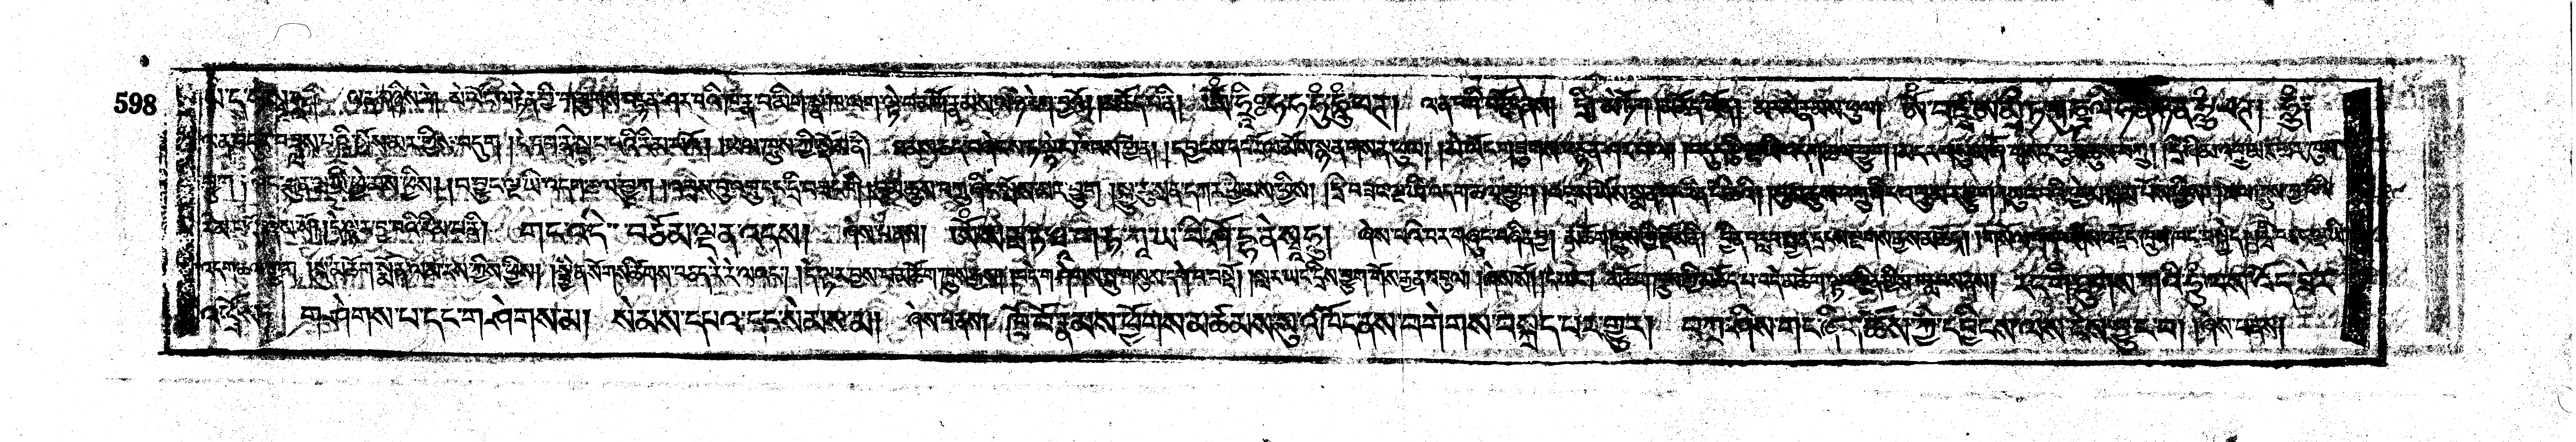པཾ་ད་ཧ་སྭཱཧཱ། ལན་གཉིས་རེ། མེ་ལོང་ལ་རྟེན་གྱི་གཟུགས་བརྙན་ཤར་བའི་ཁ་རྣ་བ་མིག་སྣ་ཁ་ལག་ལྟེ་བ་མགོ་རྣམས་ལ་ཉེ་རེག་བྱའོ། །མཆོད་པ་ནི།  ཨོཾ་ཧྲཱིཿཧ་ཧ་ཧུཾ་ཧཱུཾ་ཕཊ། ལན་བཞི་བརྗོད་ནས། དྲི། མེ་ཏོག །མཆོད་ཡོན། མར་མེ་རྣམས་ཕུལ།  ཨོཾ་བཛྲ་ཨ་མྲྀ་ཏ་ཀུཎྜ་ལི་ཧ་ན་ཧ་ན་ཧཱུཾ་ཕཊ། ཧཱུཾ༑
ལན་བདུན་བཟླས་པའི་སྤོས་མར་གྱིས་བདུག །དེ་དག་ནི་སྦྱང་བའི་རིམ་པའོ། །ཕལ་ཁྲུས་ཀྱི་སྡོམ་ནི། ཐམས་ཅད་བཞེངས་ཏེ་སྟེང་ཁེབས་གྱོན། །དབྱངས་དང་རོལ་མོས་སྙན་གསན་ཕུལ། །མེ་ལོང་གཟུགས་བརྙན་ཤར་བ་ལ། །བདུད་རྩི་ལྔ་ཡི་འདག་ཆལ་བྱུག །མངར་གསུམ་ཞོ་གསར་བུམ་ཆུས་བཀྲུ། །དྲི་ཞིམ་འབྲུ་མར་མར་ཁུས་
བྱུག །ཤིང་ཤུན་ལྔ་ཡི་ཕྱེ་མས་ཕྱིས། །བ་བྱུང་ལྔ་ཡི་འདག་ཆལ་བྱུག །འབྲས་བུ་འབྲུ་དང་དྲི་བཟང་གི །བུམ་ཆུས་བཀྲུ་ཞིང་སྤོས་མར་བྱུག །སྐྱུ་རུ་སྲན་དཀར་ཕྱེ་མས་ཕྱིས། །དྲི་བཟང་ལྔ་ཡི་འདག་ཆལ་བྱུག །འབྲས་ཡོས་སྨན་དང་རིན་པོ་ཆེའི། །བུམ་ཆུས་འྐྲུ་ཞིང་འབྲུ་མར་བྱུག །ཡུང་བའི་ཕྱེ་མ་སྐམ་པོས་ཕྱིས། །བལ་ཁྲུས་བྱ་བའི་
རིམ་པའོ་ཞེས་སོ། །དེ་ལྟར་བྱ་བའི་རིམ་པ་ནི། གང་འདིར་བཅོམ་ལྡན་འདས། ཞེས་པ་ནས།  ཨོཾ་སརྦ་ཏ་ཐཱ་ག་ཏ་ཀཱ་ཡ་བི་ཤོ་དྷ་ནེ་སྭཱཧཱུ། ཞེས་པའི་བར་གཞུང་བཞིན་བྱ། མཆོག་ཁྲུས་ཀྱི་སྡོམ་ནི། བྱིན་བརླབ་སྤྱན་དྲངས་སྔགས་རྒྱས་མཆོད། །གསོལ་གདབ་ཤིས་བརྗོད་ཁྲུས་ཁང་བསྐྱེད། །དྲི་བཟང་ལྔ་ཡི་
འདག་ཆལ་བྱུག །སྐུ་མཆོག་སྨོན་ལམ་རས་ཀྱིས་ཕྱིས། །སྦྱིན་སོགས་ཚིགས་བཅད་རེ་རེ་ལའང་། །དེ་ལྟར་བྱས་པ་མཆོག་ཁྲུས་རྒྱས། །བདེ་གཤེགས་སྐུ་གསུམ་དགེ་བ་བསྔོ། །སླར་ཡང་དྲིས་བྱུག་གོས་རྒྱན་འབུལ། །ཞེས་སོ། །དེ་ཡང་། མཆོག་ཁྲུས་ཀྱི་མཆོད་པ་བདེ་མཆོག་ལྟར་བྱིན་གྱིས་བརླབས་ནས། རང་གི་ཐུགས་ཀའི་ཧཱུཾ་ལས་འོད་ཟེར་
འཕྲོས། གཤེགས་པ་དང་གཤེགས་མ། སེམས་དཔའ་དང་སེམས་མ། ཞེས་པ་ནས།  ཁྲོ་བོ་རྣམས་ཕྱོགས་མཚམས་སུ་འཁོད་ནས་བགེགས་བསྐྲད་པར་གྱུར། བཀྲ་ཤིས་གང་ཞིག་ཆོས་ཀྱི་དབྱིངས་ལས་ངེས་བྱུང་བ། །ཞེས་པ་ནས།